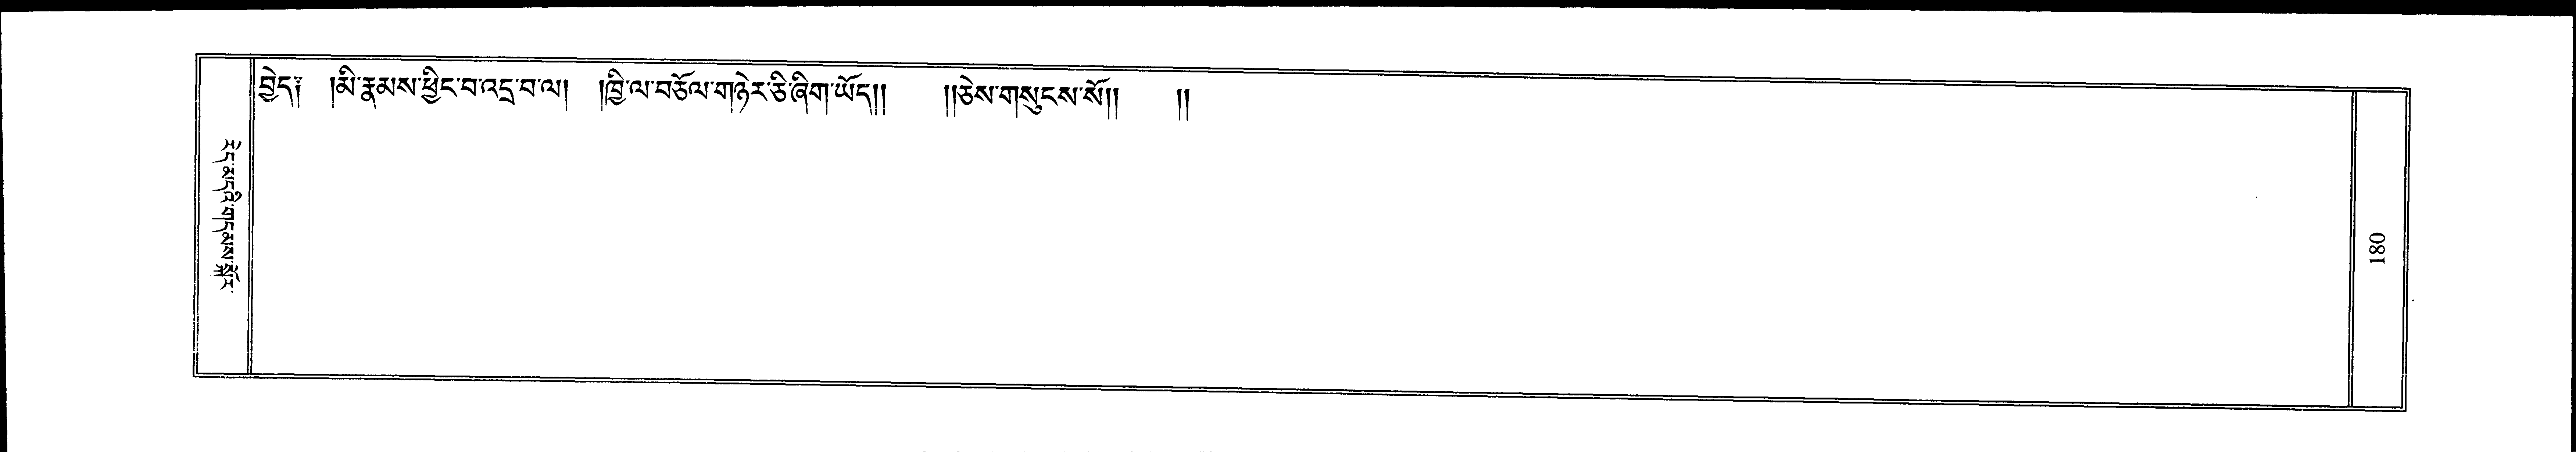བྱེད། །མི་རྣམས་ཕྱིང་བ་འདྲ་བ་ལ། །ཁྱི་ལ་བཅོལ་གཉེར་ཅི་ཞིག་ཡོད།། །།ཅེས་གསུངས་སོ།། །།